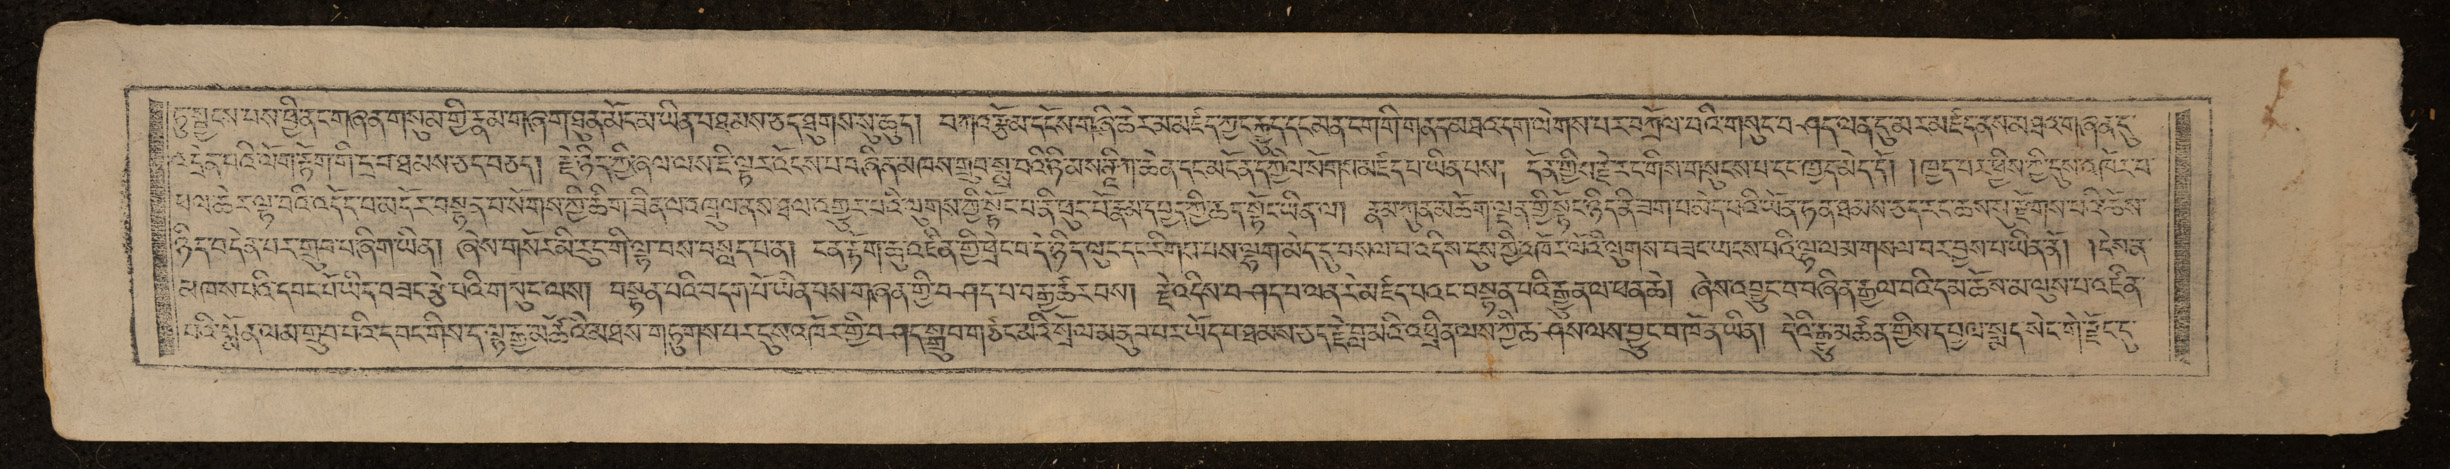ཏུ་སྦྱངས་པས་ཕྱི་ནང་གཞན་གསུམ་གྱི་རྣམ་གཞག་ཐུན་མོང་མ་ཡིན་པ་ཐམས་ཅད་ཐུགས་སུ་ཆུད། བཀའ་རྩོམ་དངོས་གཞི་ཆེར་མ་མཛད་ཀྱང་རྒྱུད་དང་མན་ངག་གི་གནད་མཐའ་དག་ཡེས་པར་བཀྲོལ་བའི་གསུང་བཤད་ལན་དུ་མར་མཛད་ནས་མཐའ་གཞན་དུ་
འདྲེན་པའི་ལོག་རྟོག་གི་དྲ་བ་ཐམས་ཅད་བཅད། དེ་ཉིད་ཀྱི་ཞལ་ལས་ཇི་ལྟར་འོངས་པ་བཞིན་མཁས་གྲུབ་སྨྲ་པའི་ཉི་མས་ཊཱིཀ་ཆེན་དང་མངོན་ཀྱི་དཀྱིལ་སོགས་མཛད་པ་ཡིན་པས། དོན་གྱིས་རྗེ་རང་གིས་གསུངས་བ་དང་ཁྱད་མེད་དོ། །ཁྱད་པར་ཕྱིས་ཀྱི་དུས་འཁོར་པ་
ཕལ་ཆེར་ལྟ་བའི་འདོད་པ་མདོར་བསྟན་པ་སོགས་ཀྱི་ཚིག་ཟིན་ལ་འཁྲུལ་ནས་ཐལ་འགྱུར་བའི་ལུགས་ཀྱི་སྟོང་བ་ནི་ཕུང་པོ་རྣམ་དཔྱད་ཀྱི་ཆད་སྟོང་ཡིན་ལ། རྣམ་ཀུན་མཆོག་ལྡན་གྱི་སྟོང་ཉིད་ནི་ཟག་པ་མེད་པའི་ཡོན་ཏན་ཐམས་ཅད་རང་ཆས་སུ་རྫོགས་པའི་ཆོས་
ཉིད་བདེན་པར་གྲུབ་བཞིག་ཡིན། ཞེས་གསོར་མི་རུང་གི་ལྟ་བས་བསླད་པ་ན། ངན་རྟོག་ཆུ་འཛིན་གྱི་ཕྲེང་བ་དེ་ཉིད་ལུང་དང་རིགས་པས་ལྷག་མེད་དུ་བསལ་བ་འདིས་དུས་ཀྱི་འཁོར་ལོའི་ལུགས་བཟང་ཡངས་པའི་ལྷ་ལམ་གསལ་བར་བྱས་པ་ཡིན་ནོ། །དེས་ན་
མཁས་པའི་དབང་པོ་ཡིད་བཟང་རྩེ་བའི་གསུང་ལས། བསྟན་པའི་བདག་པོ་ཡིན་པས་གཞན་གྱི་བཤད་པ་བརྒྱ་ཚར་བས། རྗེ་འདིས་བཤད་པ་ལན་རེ་མཛད་པའང་བསྟན་པའི་རྒྱུན་ལ་ཕན་ཚེ། ཞེས་འབྱུང་བ་བཞིན་རྒྱལ་བའི་དམ་ཆོས་མ་ལུས་པ་འཛིན་
པའི་སྨོན་ལམ་གྲུབ་པའི་དབང་གིས་ད་ལྟ་རྒྱ་མཚོའི་མཐས་གཏུགས་པར་དུས་འཁོར་གྱི་བཤད་སྒྲུབ་གཙང་མའི་སྲོལ་མ་ནུབ་བར་ཡོད་པ་ཐམས་ཅད་རྗེ་བླ་མའི་འཕྲིན་ལས་ཀྱི་ཆ་ཤས་ལས་བྱུང་བ་ཁོ་ན་ཡིན། དེའི་རྒྱ་མཚན་གྱིས་དཔྱལ་སྨད་སེང་གེ་རྫོད་དུ་